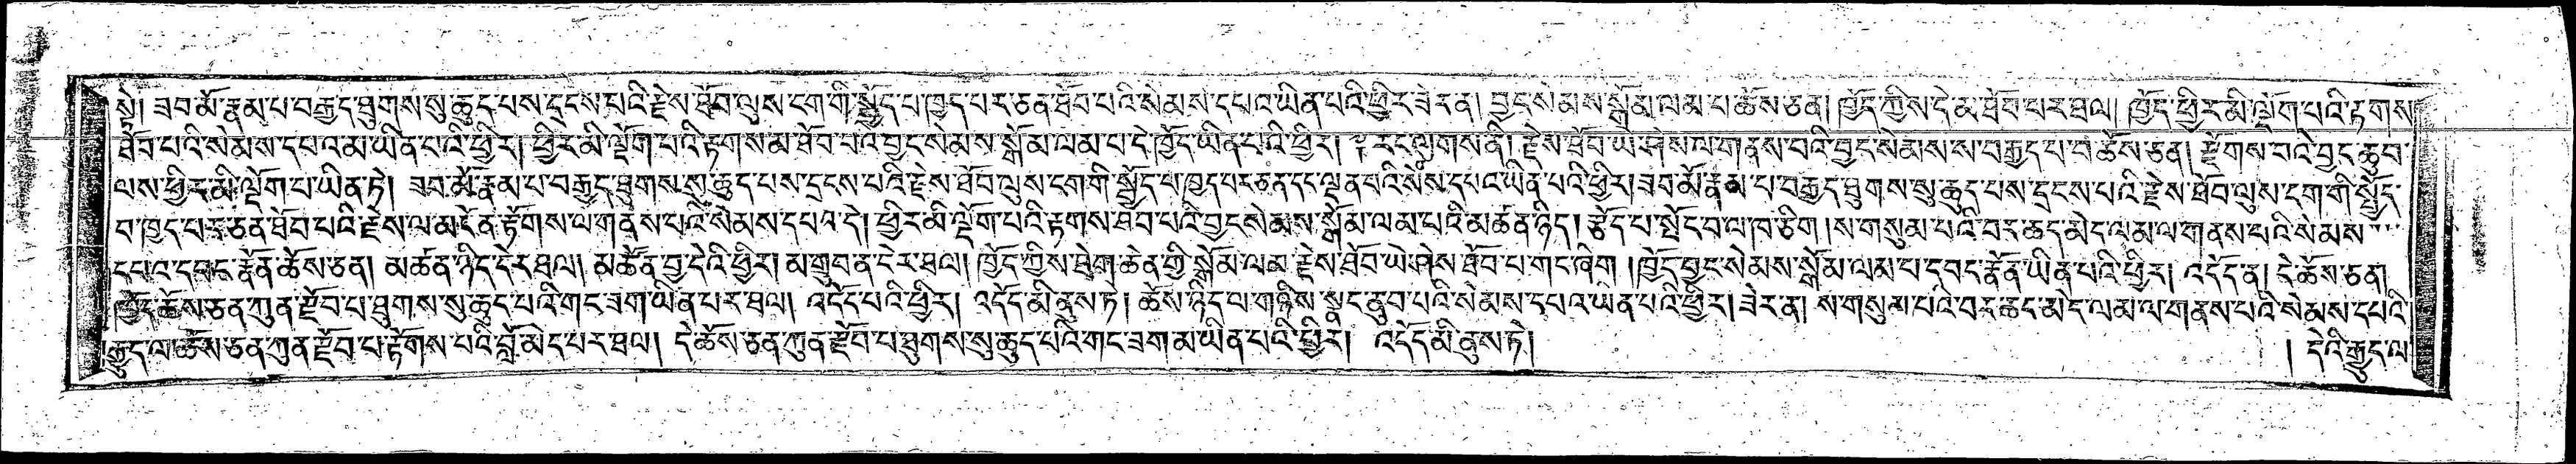སྟེ། ཟབ་མོ་རྣམ་པ་བརྒྱད་ཐུགས་སུ་ཆུད་པས་དྲངས་པའི་རྗེས་ཐོབ་ལུས་ངག་གི་སྤྱོད་པ་ཁྱད་པར་ཅན་ཐོབ་པའི་སེམས་དཔའ་ཡིན་པའི་ཕྱིར་ཟེར་ན། བྱང་སེམས་སྒོམ་ལམ་པ་ཆོས་ཅན། ཁྱོད་ཀྱིས་དེ་མ་ཐོབ་པར་ཐལ། ཁྱོད་ཕྱིར་མི་ལྡོག་པའི་རྟགས་
ཐོབ་པའི་སེམས་དཔའ་མ་ཡིན་པའི་ཕྱིར། ཕྱིར་མི་ལྡོག་པའི་རྟགས་མ་ཐོབ་པའི་བྱང་སེམས་སྒོམ་ལམ་པ་དེ་ཁྱོད་ཡིན་པའི་ཕྱིར། ༈ རང་ལུགས་ནི། རྗེས་ཐོབ་ཡེ་ཤེས་ལ་གནས་པའི་བྱང་སེམས་ས་བརྒྱད་པ་བ་ཆོས་ཅན། རྫོགས་པའི་བྱང་ཆུབ་
ལས་ཕྱིར་མི་ལྡོག་པ་ཡིན་ཏེ། ཟབ་མོ་རྣམ་པ་བརྒྱད་ཐུགས་སུ་ཆུད་པས་དྲངས་པའི་རྗེས་ཐོབ་ལུས་ངག་གི་སྤྱོད་པ་ཁྱད་པར་ཅན་དང་ལྡན་པའི་སེམས་དཔའ་ཡིན་པའི་ཕྱིར། ཟབ་མོ་རྣམ་པ་བརྒྱད་ཐུགས་སུ་ཆུད་པས་དྲངས་པའི་རྗེས་ཐོབ་ལུས་ངག་གི་སྤྱོད་
བ་ཁྱད་པར་ཅན་ཐོབ་པའི་རྗེས་ལ་མངོན་རྟོགས་ལ་གནས་པའི་སེམས་དཔའ་དེ། ཕྱིར་མི་ལྡོག་པའི་རྟགས་ཐོབ་པའི་བྱང་སེམས་སྒོམ་ལམ་པའི་མཚན་ཉིད། རྩོད་པ་སྤོང་བ་ལ་ཁ་ཅིག །ས་གསུམ་པའི་བར་ཆད་མེད་ལམ་ལ་གནས་པའི་སེམས་
དཔའ་དབང་རྣོན་ཆོས་ཅན། མཚན་ཉིད་དེར་ཐལ། མཚོན་བྱ་དེའི་ཕྱིར། མ་གྲུབ་ན་དེར་ཐལ། ཁྱོད་ཀྱིས་ཐེག་ཆེན་གྱི་སྒོམ་ལམ་རྗེས་ཐོབ་ཡེ་ཤེས་ཐོབ་པ་གང་ཞིག །ཁྱོད་བྱང་སེམས་སྒོམ་ལམ་པ་དབང་རྣོན་ཡིན་པའི་ཕྱིར། འདོད་ན། དེ་ཆོས་ཅན།
ཁྱོད་ཆོས་ཅན་ཀུན་རྫོབ་པ་ཐུགས་སུ་ཆུད་པའི་གང་ཟག་ཡིན་པར་ཐལ། འདོད་པའི་ཕྱིར། འདོད་མི་ནུས་ཏེ། ཆོས་ཉིད་ལ་གཉིས་སྣང་ནུབ་པའི་སེམས་དཔའ་ཡིན་པའི་ཕྱིར། ཟེར་ན། ས་གསུམ་པའི་བར་ཆད་མེད་ལམ་ལ་གནས་པའི་སེམས་དཔའི་
རྒྱུད་ལ་ཆོས་ཅན་ཀུན་རྫོབ་པ་རྟོགས་པའི་བློ་མེད་པར་ཐལ། དེ་ཆོས་ཅན་ཀུན་རྫོབ་པ་ཐུགས་སུ་ཆུད་པའི་གང་ཟག་མ་ཡིན་པའི་ཕྱིར། འདོད་མི་ནུས་ཏེ། །དེའི་རྒྱུད་ལ་